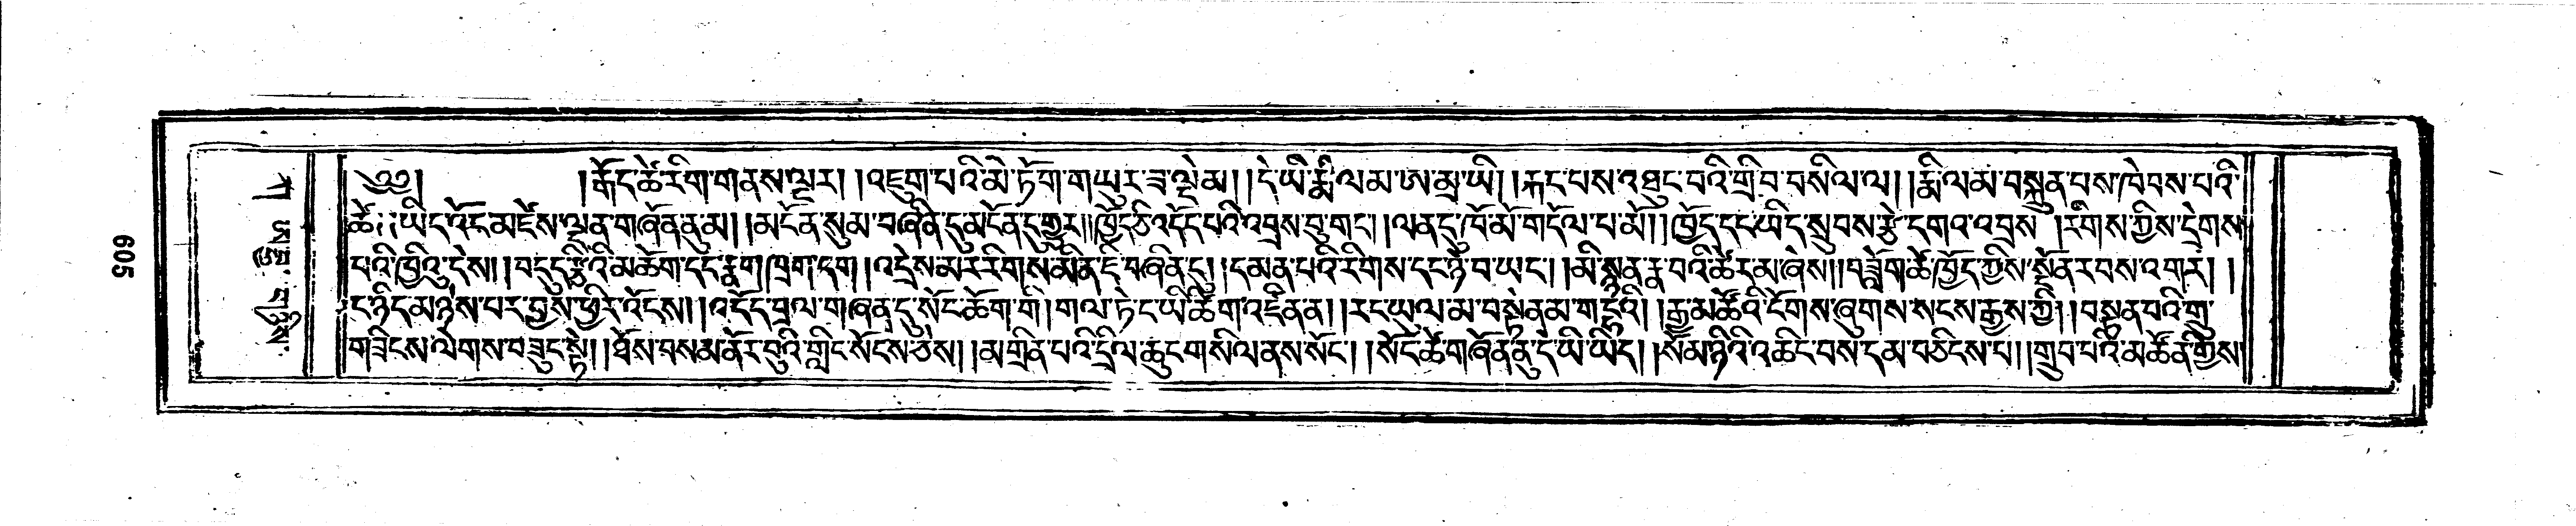༄༅། །རྒོད་ཚེ་རིག་གནས་ལྔར། །འཇུག་པའི་མེ་ཏོག་གཡུར་ཟ་ལྡེམ། །དེ་ཡི་རྨི་ལམ་ཨ་མ་ཡི། །རྐང་པས་འཐུང་བའི་གྲིབ་བསིལ་ལ། །རྨི་ལམ་བསྐྲུན་པས་ཁེབས་པའི་
ཚེ༑ ༑ཡིད་འོང་མཛེས་ལྡན་གཞོན་ནུ་མ། །མངོན་སུམ་བཞིན་དུ་མངོན་དུ་གྱུར། །ཁྱོད་ཅི་འདོད་པའི་འབྲས་བུ་གང་། །ལན་དུ་ཁོ་མོ་གདོལ་པ་མོ། །ཁྱོད་དང་ཡིད་སྲུབས་རྩེ་དགའ་འབྲས། །རིགས་ཀྱིས་དྲེགས་
པའི་ཁྱིའུ་དེས། །བདུད་རྩིའི་མཆོག་དང་རྣག་ཁྲག་དག །འདྲེས་མར་རིགས་མིན་ཇི་བཞིན་དུ། །དམན་པའི་རིགས་དང་ཉེ་བ་ཡང་། །མི་སྙན་རྣ་བའི་ཚེར་མ་ཞེས། །བཟློག་ཚེ་ཁྱོད་ཀྱིས་སྔོན་རབས་འགར། །
ང་ཉིད་མཉེས་པར་བྱས་ཕྱིར་འོངས། །འདོད་བྲལ་གཞན་དུ་སོང་ཆོག་གི །གལ་ཏེ་ང་ཡི་ཚིག་འཛིན་ན། །རང་ཡུལ་མ་བསྟན་མ་ག་དྷའི། །རྒྱ་མཚོའི་ངོགས་ཞུགས་སངས་རྒྱས་ཀྱི། །བསྟན་པའི་གྲུ་
གཟིངས་ལེགས་བཟུང་སྟེ། །ཐོས་བསམ་ནོར་བུའི་གླིང་སོངས་ཅེས། །མགྲིན་པའི་དྲིལ་ཆུང་བསིལ་ནས་སོང་། །སོང་ཚེ་གཞོན་ནུ་དེ་ཡི་ཡིད། །སོམ་ཉིའི་འཆིང་བས་དམ་བཅིངས་པ། །གྲུབ་པའི་མཚོན་གྱིས་